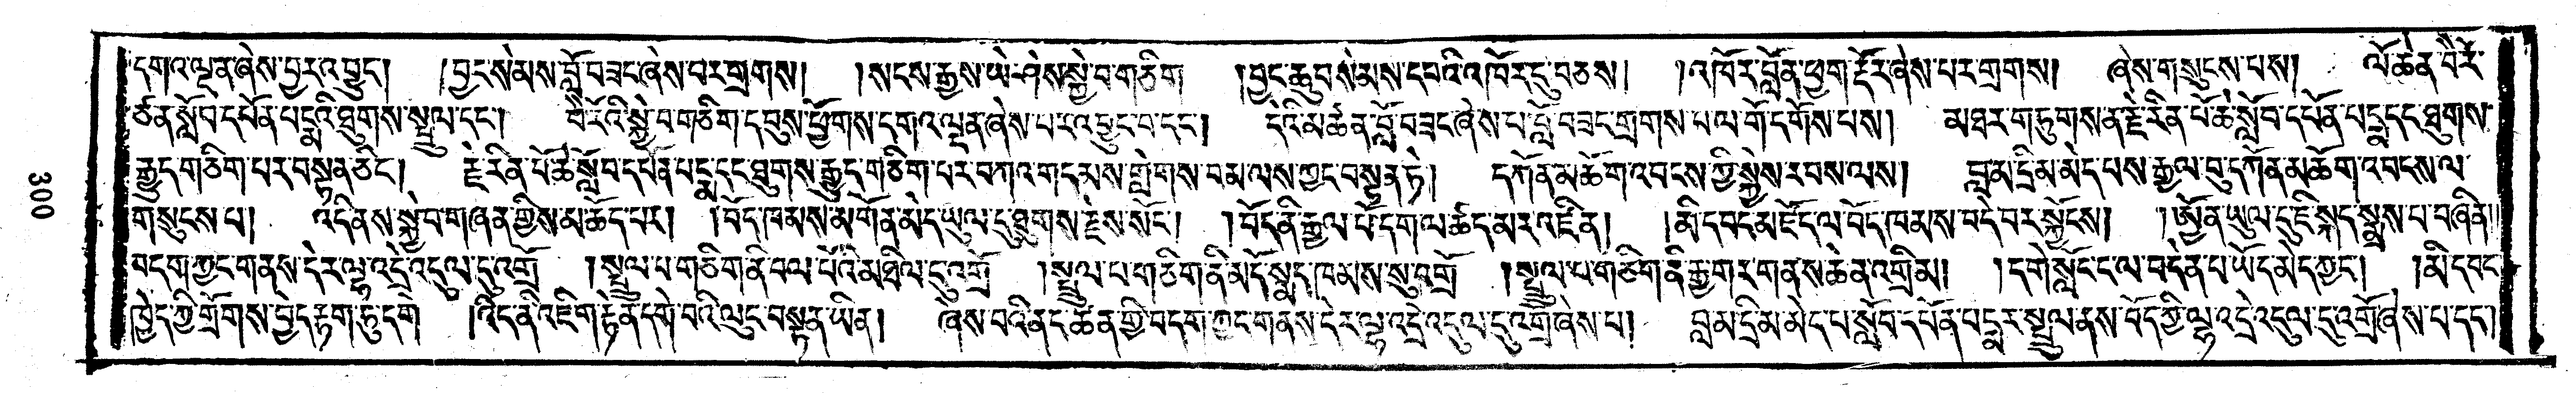དགའ་ལྡན་ཞེས་བྱར་འབྱུང་། །བྱང་སེམས་བློ་བཟང་ཞེས་བར་གྲགས། །སངས་རྒྱས་ཡེ་ཤེས་སྐྱེ་བ་གཅིག །བྱང་ཆུབ་སེམས་དཔའི་འཁོར་དུ་བཅས། །འཁོར་བློན་ཕྱག་རྡོར་ཞེས་པར་གྲགས། ཞེས་གསུངས་པས། ལོ་ཆེན་བཻ་རོ་
ཙ་ན་སློབ་དཔོན་པདམའི་ཐུགས་སྤྲུལ་དང་། བཻ་རོའི་སྐྱེ་བ་གཅིག་དབུས་ཕྱོགས་དགའ་ལྡན་ཞེས་པར་འབྱུང་བ་དང་། དེའི་མཚན་བློ་བཟང་ཞེས་པ་བློ་བཟང་གྲགས་པ་ལ་གོ་དགོས་པས། མཐར་གཏུགས་ན་རྗེ་རིན་པོ་ཆེ་སློབ་དཔོན་པདམ་དང་ཐུགས་
རྒྱུད་གཅིག་པར་བསྟན་ཅིང་། རྗེ་རིན་པོ་ཆེ་སློབ་དཔོན་པདམ་དང་ཐུགས་རྒྱུད་གཅིག་པར་བཀའ་གདམས་གླེགས་བམ་ལས་ཀྱང་བསྟན་ཏེ། དཀོན་མཆོག་འབངས་ཀྱི་སྐྱེས་རབས་ལས། བླ་མ་དྲི་མ་མེད་པས་རྒྱལ་བུ་དཀོན་མཆོག་འབངས་ལ་
གསུངས་པ། འདི་ནས་སྐྱེ་བ་གཞན་གྱིས་མཆོད་པར། །བོད་ཁམས་མགོན་མེད་ཡུལ་དུ་ཐུགས་རྗེས་སོང་། །བོད་ནི་རྒྱལ་པོ་དག་ལ་ཚད་མར་འཛིན། །མི་དབང་མཛོད་ལ་བོད་ཁམས་བདེ་བར་སྐྱོངས། །ཨཡོན་ཡུལ་དུ་ཇི་སྐད་སྨྲས་པ་བཞིན།།
བདག་ཀྱང་གནས་དེར་ལྷ་འདྲེ་འདུལ་དུ་འགྲོ། །སྤྲུལ་པ་གཅིག་ནི་བལ་པོའི་མཐིལ་དུ་འགྲོ་།སྤྲུལ་པ་གཅིག་ནི་མདོ་སྨད་ཁམས་སུ་འགྲོ། །སྤྲུལ་པ་གཅིག་ནི་རྒྱ་གར་གནས་ཆེན་འགྲིམ། །དགེ་སློང་ང་ལ་བདེན་པ་ཡོད་མེད་ཀྱང་། །མི་དབང་
ཁྱེད་ཀྱི་གྲོགས་བྱེད་རྟག་ཏུ་དགེ །འདི་ནི་འཇིག་རྟེན་དགེ་བའི་ལུང་བསྟན་ཡིན། ཞེས་བའི་ནང་ཚན་གྱི་བདག་ཀྱང་གནས་དེར་ལྷ་འདྲེ་འདུལ་དུ་འགྲོ་ཞེས་པ། བླ་མ་དྲི་མ་མེད་པ་སློབ་དཔོན་པདམར་སྤྲུལ་ནས་བོད་ཀྱི་ལྷ་འདྲེ་འདུལ་དུ་འགྲོ་ཞེས་པ་དང་